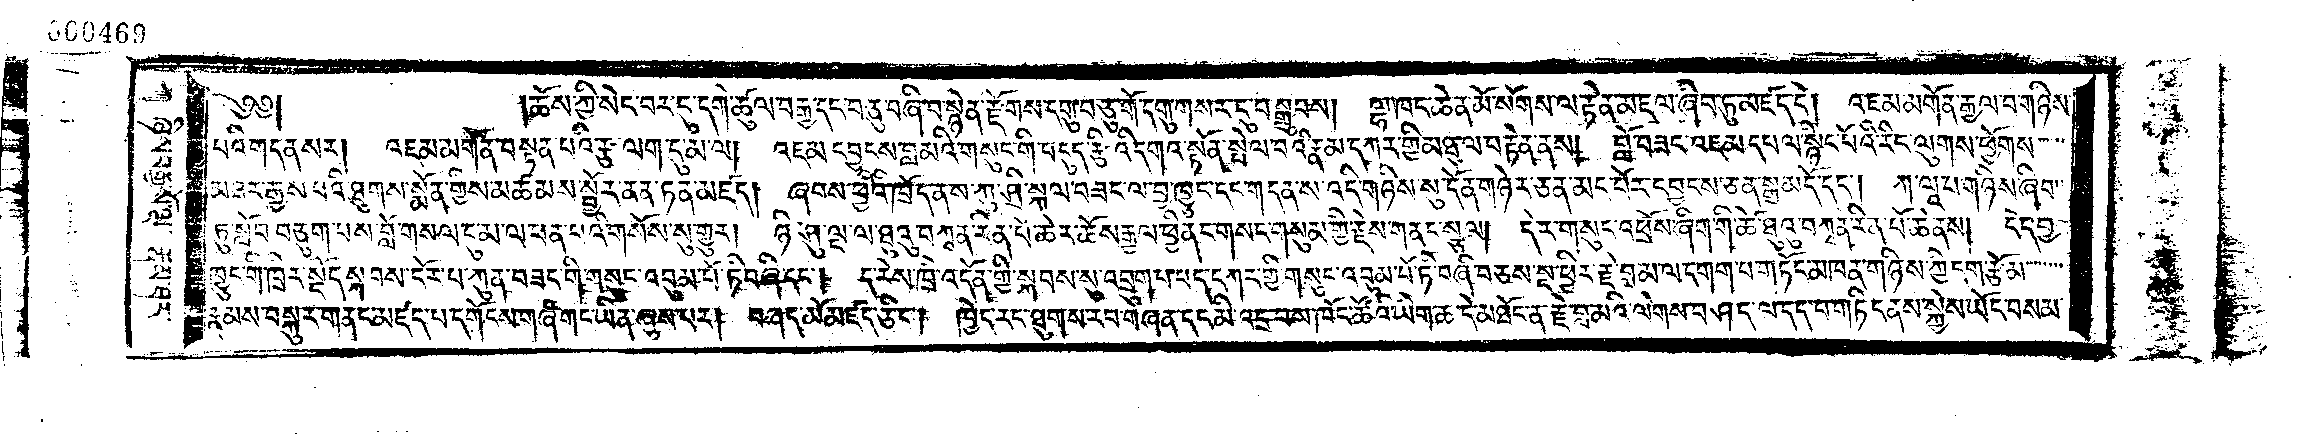༄༅། །ཆོས་ཀྱི་སེང་བར་དུ་དགེ་ཚུལ་བརྒྱ་དང་བཅུ་བཞི་བསྙེན་རྫོགས་དགུ་བཅུ་གོ་དགུ་གསར་དུ་བསྒྲུབས། ལྷ་ཁང་ཆེན་མོ་སོགས་ལ་རྟེན་མཇལ་ཞིབ་ཏུ་མཛད་དེ། འཇམ་མགོན་རྒྱལ་བ་གཉིས་
པའི་གདན་སར། འཇམ་མགོན་བསྟན་པའི་རྩ་ལག་དུ་མ་ལ། འཇམ་དབྱངས་བླ་མའི་གསུང་གི་བདུད་རྩིའི་དགའ་སྟོན་སྤེལ་བའི་རྣམ་དཀར་གྱི་མཐུ་ལ་བརྟེན་ནས། བློ་བཟང་འཇམ་དཔལ་སྙིང་པོའི་རིང་ལུགས་ཕྱོགས་
མཐར་རྒྱས་པའི་ཐུགས་སྨོན་གྱིས་མཚམས་སྦྱོར་ནན་ཏན་མཛད། ཞབས་ཕྱིའི་ཁྲོད་ནས་ཀུ་ཤྲི་སྐལ་བཟང་ལ་བྱ་ཁྱུང་དང་གདན་ས་འདི་གཉིས་སུ་དོན་གཉེར་ཅན་མང་པོར་དབྱངས་ཅན་སྒྲ་མདོ་དང་། ཀ་ལཱ་པ་གཉིས་ཞིབ་
ཏུ་སློབ་བཅུག་པས་བློ་གསལ་དུ་མ་ལ་ཕན་པའི་གསོས་སུ་གྱུར། ཉི་ཤུ་ལྔ་ལ་ཐུའུ་པ་ཀྭན་རིན་པོ་ཆེར་ཆོས་རྒྱལ་ཕྱི་ནང་གསང་གསུམ་གྱི་རྗེས་གནང་སྩལ། དེར་གསུང་འཕྲོས་ཞིག་གི་ཚེ་ཐུའུ་བཀྭན་རིན་པོ་ཆེ་ནས། ངེད་བྱ་
ཁྱུང་གི་ཁྲིར་སྡོད་སྐབས་ངོར་པ་ཀུན་བཟང་གི་གསུང་འབུམ་པོ་ཏི་བཞི་དང་། ད་རེས་ཁྲི་འདོན་གྱི་སྐབས་སུ་འབྲུག་པ་པད་དཀར་གྱི་གསུང་འབུམ་པོ་ཏི་བཞི་བཅས་སྔ་ཕྱིར་རྗེ་བླ་མ་ལ་དགག་པ་གཏོང་མཁན་གཉིས་ཀྱི་ངག་རྩོམ་
རྣམས་བསྐུར་གནང་མཛད་པ་དགོངས་གཞི་གང་ཡིན་ཞུས་པར། བཞད་མོ་མཛད་ཅིང་། ཁྱེད་རང་ཐུགས་རབ་གཞན་དང་མི་འདྲ་བས་ཁོང་ཚོའི་ཡིག་ཆ་དེ་མཐོང་ན་རྗེ་བླ་མའི་ལེགས་བཤད་ལ་དད་པ་གཏིང་ནས་སྐྱེས་ཡོང་བསམ་